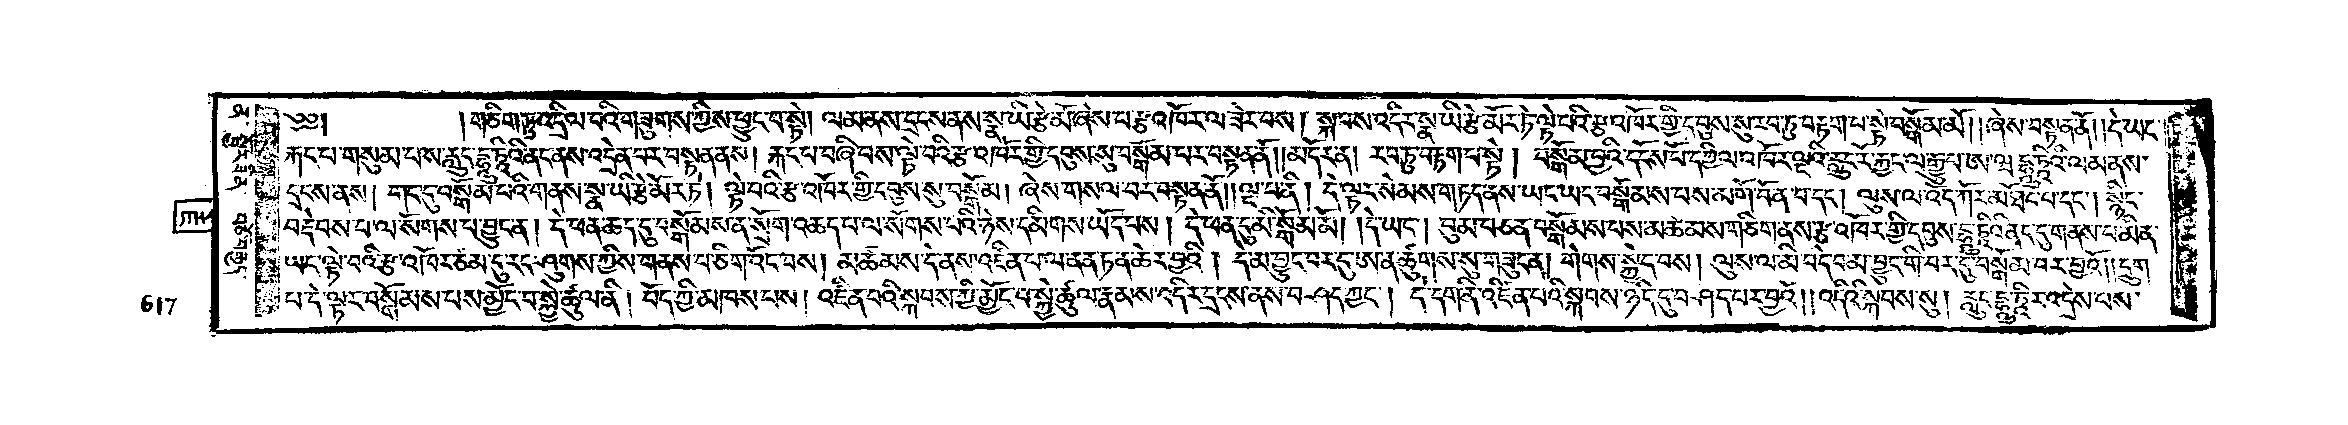༄༅། །གཅིག་ཏུ་འདྲིལ་བའི་གཟུགས་ཀྱིས་ཕྱུང་བ་སྟེ། ལམ་ནས་དྲངས་ནས་སྣ་ཡི་རྩེ་མོ་ཞེས་པ་རྩ་འཁོར་ལ་ཟེར་བས། སྐབས་འདིར་སྣ་ཡི་རྩེ་མོར་ཏེ་ལྟེ་བའི་རྩ་འཁོར་གྱི་དབུས་སུ་རབ་ཏུ་བརྟག་པ་སྟེ་བསྒོམ་མོ། །ཞེས་བསྟན་ནོ། །དེ་ཡང་
རྐང་པ་གསུམ་པས་རླུང་དྷཱུ་ཏཱིའི་ནང་ནས་འདྲེན་པར་བསྟན་ནས། རྐང་པ་བཞི་པས་ལྟེ་བའི་རྩ་འཁོར་གྱི་དབུས་སུ་བསྒོམ་པར་བསྟན་ནོ། །མདོར་ན། རབ་ཏུ་བརྟག་པ་སྟེ། བསྒོམ་བྱའི་དངོས་པོ་དཀྱིལ་འཁོར་ལྔའི་རླུང་རོ་རྐྱང་ལ་རྒྱུ་པ་ཨ་ཝ་དྷཱུ་ཏཱིའི་ལམ་ནས་
དྲངས་ནས། གང་དུ་བསྒོམ་པའི་གནས་སྣ་ཡི་རྩེ་མོར་ཏེ། ལྟེ་བའི་རྩ་འཁོར་གྱི་དབུས་སུ་བསྒོམ། ཞེས་གསལ་བར་བསྟན་ནོ། །ལྔ་པ་ནི། དེ་ལྟར་སེམས་གཏད་ནས་ཡང་ཡང་བསྒོམས་པས་མགོ་བོ་ན་བ་དང་། ལུས་ལ་འོད་ཀོར་མཐོང་པ་དང་། སྙིང་
བརྡེབས་པ་ལ་སོགས་པ་བྱུང་ན། དེ་ཕན་ཆད་དུ་བསྒོམས་ན་སྲོག་འཆད་པ་ལ་སོགས་པའི་ཉེས་དམིགས་ཡོད་པས། དེ་ཕན་དུ་མི་སྒོམ་མོ། །དེ་ཡང་། བུམ་པ་ཅན་བསྒོམས་པས་མཚམས་གཅིག་ནས་རྩ་འཁོར་གྱི་དབུས་དྷཱུ་ཏཱིའི་ནང་དུ་གནས་པ་མིན་
ཡང་ལྟེ་བའི་རྩ་འཁོར་ཙམ་དུ་རང་ཤུགས་ཀྱིས་གནས་པ་ཅིག་འོང་བས། མཚམས་དེ་ནས་འཛིན་པ་ལ་ནན་ཏན་ཆེར་བྱའི། དེ་མ་བྱུང་བར་དུ་ཨ་ན་ཚུགས་སུ་གཟུང་ན། གེགས་སྐྱེད་བས། ལུས་ལ་མི་བདེ་བ་མ་བྱུང་གི་བར་དུ་བསྒོམ་པར་བྱའོ། །དྲུག་
པ་དེ་ལྟར་བསྒོམས་པས་མྱོང་བ་སྐྱེ་ཚུལ་ནི། བོད་ཀྱི་མཁས་པས། འཛིན་པའི་སྐབས་ཀྱི་མྱོང་བ་སྐྱེ་ཚུལ་རྣམས་འདིར་དྲངས་ནས་བཤད་ཀྱང་། དེ་དག་ནི་འཛིན་པའི་སྐབས་ཉིད་དུ་བཤད་པར་བྱའོ། །འདིའི་སྐབས་སུ། རླུང་དྷཱུ་ཏཱིར་འདྲེས་པས་